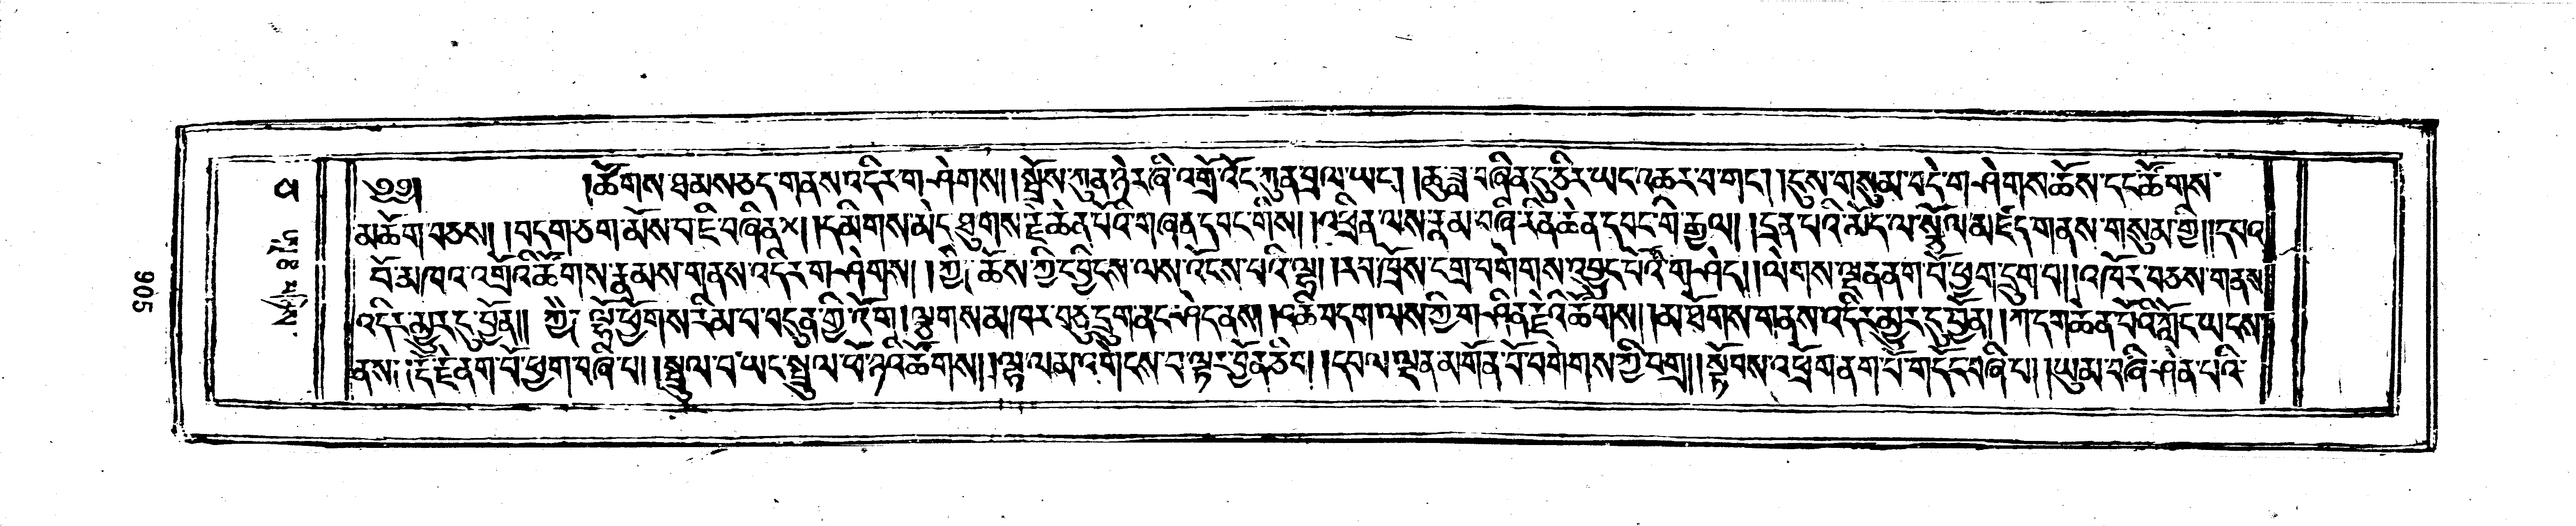༄༅། །ཚོགས་ཐམས་ཅད་གནས་འདིར་གཤེགས། །སྤྲོས་ཀུན་ཉེར་ཞི་འགྲོ་འོང་ཀུན་བྲལ་ཡང་། །ཆུ་ཟླ་བཞིན་དུ་ཅིར་ཡང་འཆར་བ་གང་། །དུས་གསུམ་བདེ་གཤེགས་ཆོས་དང་ཚོགས་
མཆོག་བཅས། །བདག་ཅག་མོས་པ་ཇི་བཞིན་྾། །དམིགས་མེད་ཐུགས་རྗེ་ཆེན་པོའི་གཞན་དབང་གིས། །འཕྲིན་ལས་རྣམ་བཞི་རིན་ཆེན་དབང་གི་རྒྱལ། །དྲན་པའི་མོད་ལ་སྩོལ་མཛད་གནས་གསུམ་གྱི། །དཔའ་
བོ་མཁའ་འགྲོའི་ཚོགས་རྣམས་གནས་འདིར་གཤེགས། །ཀྱཻ། ཆོས་ཀྱི་དབྱིངས་ལས་འོངས་པའི་ལྷ། །རབ་ཁྲོས་དགྲ་བགེགས་འབྱུང་པོའི་གཤེད། །ལེགས་ལྡན་ནག་པོ་ཕྱག་དྲུག་པ། །འཁོར་བཅས་གནས་
འདིར་མྱུར་དུ་བྱོན། །ཀྱཻ། ལྷོ་ཕྱོགས་རིམ་པ་བདུན་གྱི་འོག །ལྕགས་མཁར་བཅུ་དྲུག་ནང་ཤེད་ནས། །འཆི་བདག་ལས་ཀྱི་གཤིན་རྗེའི་ཚོགས། །མ་ཐོགས་གནས་འདིར་མྱུར་དུ་བྱོན། །ཀ་དག་ཆེན་པོའི་ཀློང་ཡངས་
ནས། །རྡོ་རྗེ་ནག་པོ་ཕྱག་བཞི་པ། །སྤྲུལ་པ་ཡང་སྤྲུལ་ཕོ་ཉའི་ཚོགས། །ལྷ་ལམ་འགེངས་པ་ལྟར་བྱོན་ཅིང་། །དཔལ་ལྡན་མགོན་པོ་བགེགས་ཀྱི་དགྲ། །སྟོབས་འཕྲོག་ནག་པོ་གདོང་བཞི་པ། །ཡུམ་བཞི་ཤེན་པའི་